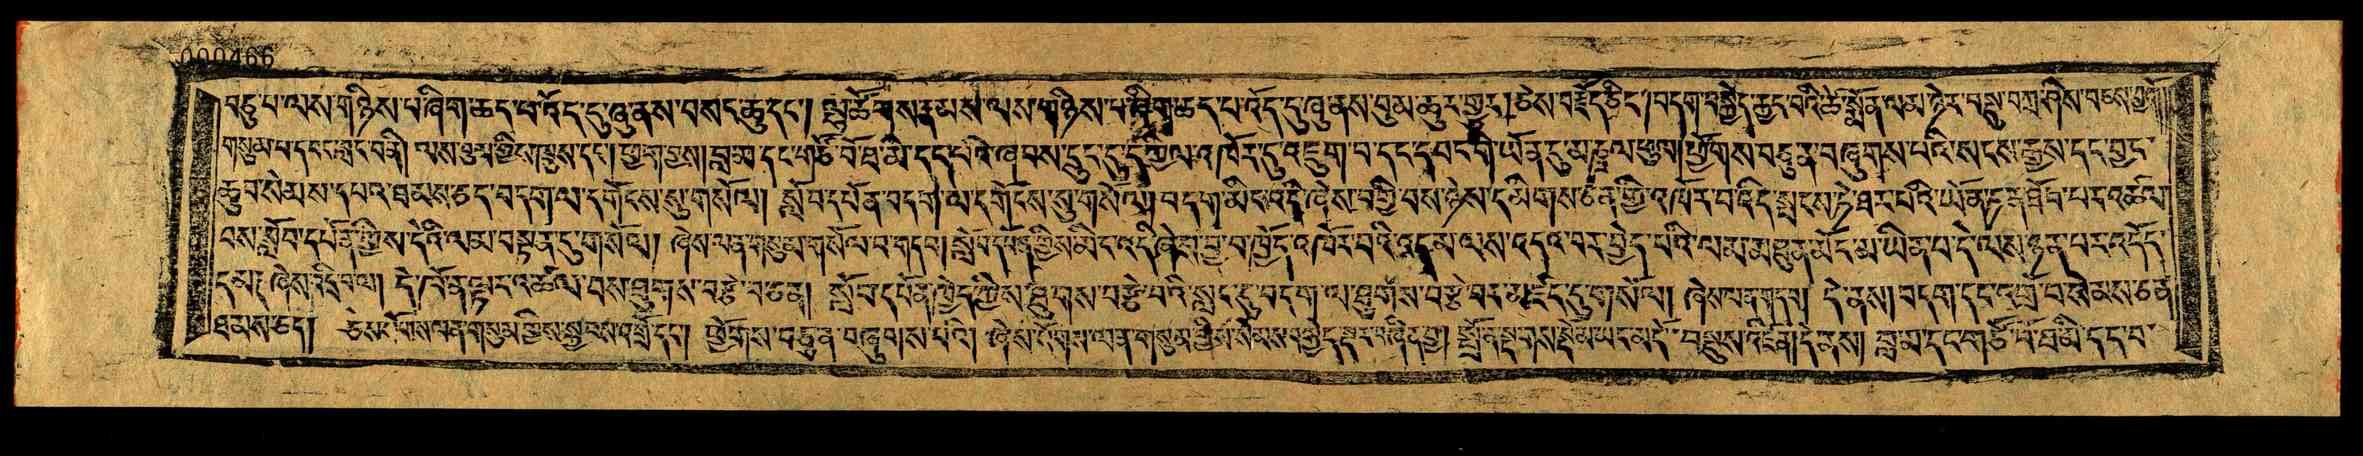བཅུ་པ་ལས་གཉིས་པ་ཞིག་ཆད་པ་འོད་དུ་ཞུ་ནས་བསང་ཆུ་དང་། ལྷ་ཚོགས་རྣམས་ལས་གཉིས་པ་ཞིག་ཆད་པ་འོད་དུ་ཞུ་ནས་བུམ་ཆུར་གྱུར། ཅེས་བརྗོད་ཅིང་།  བདག་བསྐྱེད་རྐྱང་པའི་ཚེ་སྨོན་ལམ་ཉེར་བསྡུ་བཀྲ་ཤིས་བཅས་བྱའོ།།
གསུམ་པ་དབང་བླང་པ་ནི། ལས་བུམ་གྱིས་ཁྲུས་དང་། ཕྱག་བྱས། བླ་མ་དང་གཙོ་བོ་ཐ་མི་དད་པའི་ཞབས་དྲུང་དུ་དཀྱིལ་འཁོར་དུ་འཇུག་པ་དང་དབང་གི་ཡོན་དུ་མཎྜལ་ཕུལ། ཕྱོགས་བཅུ་ན་བཞུགས་པའི་སངས་རྒྱས་དང་བྱང་
ཆུབ་སེམས་དཔའ་ཐམས་ཅད་བདག་ལ་དགོངས་སུ་གསོལ། སློབ་དཔོན་བདག་ལ་དགོངས་སུ་གསོལ། བདག་མིང་འདི་ཞེས་བགྱི་བས་ཉེས་དམིགས་ཅན་གྱི་འཁོར་བ་འདི་སྤངས་ཏེ་ཐར་པའི་ཡོན་ཏན་ཐོབ་པར་འཚལ་
བས་སློབ་དཔོན་གྱིས་དེའི་ལམ་བསྟན་དུ་གསོལ། ཞེས་ལན་གསུམ་གསོལ་བ་གདབ།  སློབ་དཔོན་གྱིས་མིང་འདི་ཞེས་བྱ་བ་ཁྱེད་འཁོར་བའི་འདམ་ལས་འདའ་བར་བྱེད་པའི་ལམ་མཐུན་མོད་མ་ཡིན་པ་དེ་ལས་ཉན་པར་འདོད་
དམ༑ ཞེས་འདྲི་བ་ལ།  དེ་ཁོ་ན་ལྟར་འཚལ་བས་ཐུགས་བརྩེ་བ་ཅན། སློབ་དཔོན་ཁྱེད་ཀྱིས་ཐུགས་བརྩེ་བའི་སླད་དུ་བདག་ལ་ཐུགས་བརྩེ་བར་མཛད་དུ་གསོལ། ཞེས་ལན་གདབ།  དེ་ནས། བདག་དང་འགྲོ་བ་སེམས་ཅན་
ཐམས་ཅད། ཅེས་སོགས་ལན་གསུམ་གྱིས་སྐྱབས་འགྲོ་དང་།  ཕྱོགས་བཅུ་ན་བཞུགས་པའི། ཞེས་སོགས་ལན་གསུམ་གྱིས་སེམས་བསྐྱེད་སྔར་བཞིན་བྱ། སྤྲོ་ན་སྔགས་སྡོམ་ཡང་མདོར་བསྡུས་འཛིན།  དེ་ནས། བླ་མ་དང་གཙོ་བོ་ཐ་མི་དད་པ་